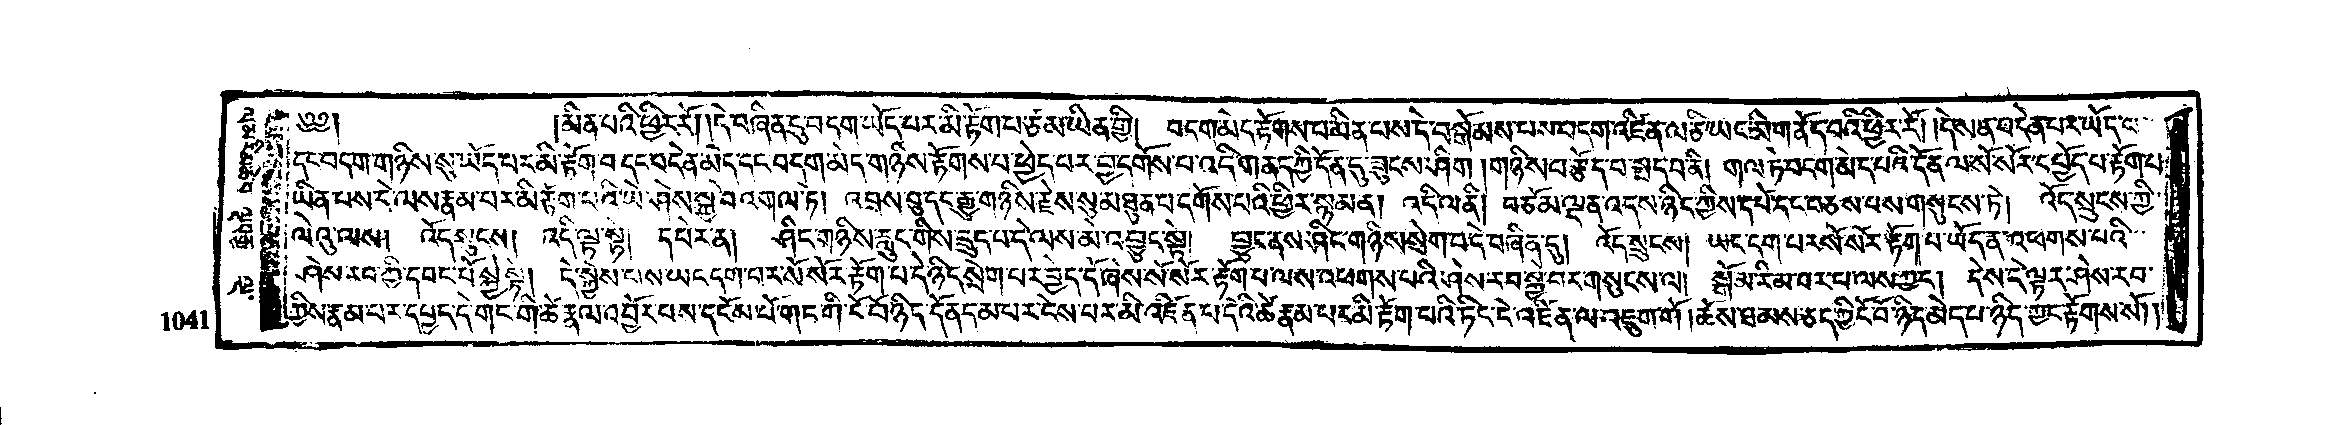༄༅། །མིན་པའི་ཕྱིར་རོ། །དེ་བཞིན་དུ་བདག་ཡོད་པར་མི་རྟོག་པ་ཙམ་ཡིན་གྱི། བདག་མེད་རྟོགས་པ་མིན་པས་དེ་བསྒོམས་པས་བདག་འཛིན་ལ་ཅི་ཡང་མི་གནོད་པའི་ཕྱིར་རོ། །དེས་ན་བདེན་པར་ཡོད་པ་
དང་བདག་གཉིས་སུ་ཡོད་པར་མི་རྟོག་པ་དང་བདེན་མེད་དང་བདག་མེད་གཉིས་རྟོགས་པ་ཕྱེད་པར་བྱ་དགོས་པ་འདི་གནད་ཀྱི་དོན་དུ་ཟུངས་ཤིག །གཉིས་པ་རྩོད་པ་སྤང་བ་ནི། གལ་ཏེ་བདག་མེད་པའི་དོན་ལ་སོ་སོར་དཔྱོད་པ་རྟོག་པ་
ཡིན་པས་དེ་ལས་རྣམ་པར་མི་རྟོག་པའི་ཡེ་ཤེས་སྐྱེ་བ་འགལ་ཏེ། འབྲས་བུ་དང་རྒྱུ་གཉིས་རྗེས་སུ་མཐུན་པ་དགོས་པའི་ཕྱིར་སྙམ་ན། འདི་ལ་ནི། བཅོམ་ལྡན་འདས་ཉིད་ཀྱིས་དཔེ་དང་བཅས་པས་གསུངས་ཏེ། འོད་སྲུངས་ཀྱི་
ལེའུ་ལས། འོད་སྲུངས། འདི་ལྟ་སྟེ། དཔེར་ན། ཤིང་གཉིས་རླུང་གིས་དྲུད་པ་དེ་ལས་མེ་འབྱུང་སྟེ། བྱུང་ནས་ཤིང་གཉིས་སྲེག་པ་དེ་བཞིན་དུ། འོད་སྲུངས། ཡང་དག་པར་སོ་སོར་རྟོག་པ་ཡོད་ན་འཕགས་པའི་
ཤེས་རབ་ཀྱི་དབང་པོ་སྐྱེ་སྟེ། དེ་སྐྱེས་པས་ཡང་དག་པར་སོ་སོར་རྟོག་པ་དེ་ཉིད་སྲེག་པར་བྱེད་དོ་ཞེས་སོ་སོར་རྟོག་པ་ལས་འཕགས་པའི་ཤེས་རབ་སྐྱེ་བར་གསུངས་ལ། སྒོམ་རིམ་བར་པ་ལས་ཀྱང་། དེས་དེ་ལྟར་ཤེས་རབ་
ཀྱིས་རྣམ་པར་དཔྱད་དེ་གང་གི་ཚེ་རྣལ་འབྱོར་པས་དངོས་པོ་གང་གི་ངོ་བོ་ཉིད་དོན་དམ་པར་ངེས་པར་མི་འཛིན་པ་དེའི་ཚེ་རྣམ་པར་མི་རྟོག་པའི་ཏིང་ངེ་འཛིན་ལ་འཇུག་གོ །ཆོས་ཐམས་ཅད་ཀྱི་ངོ་བོ་ཉིད་མེད་པ་ཉིད་ཀྱང་རྟོགས་སོ། །